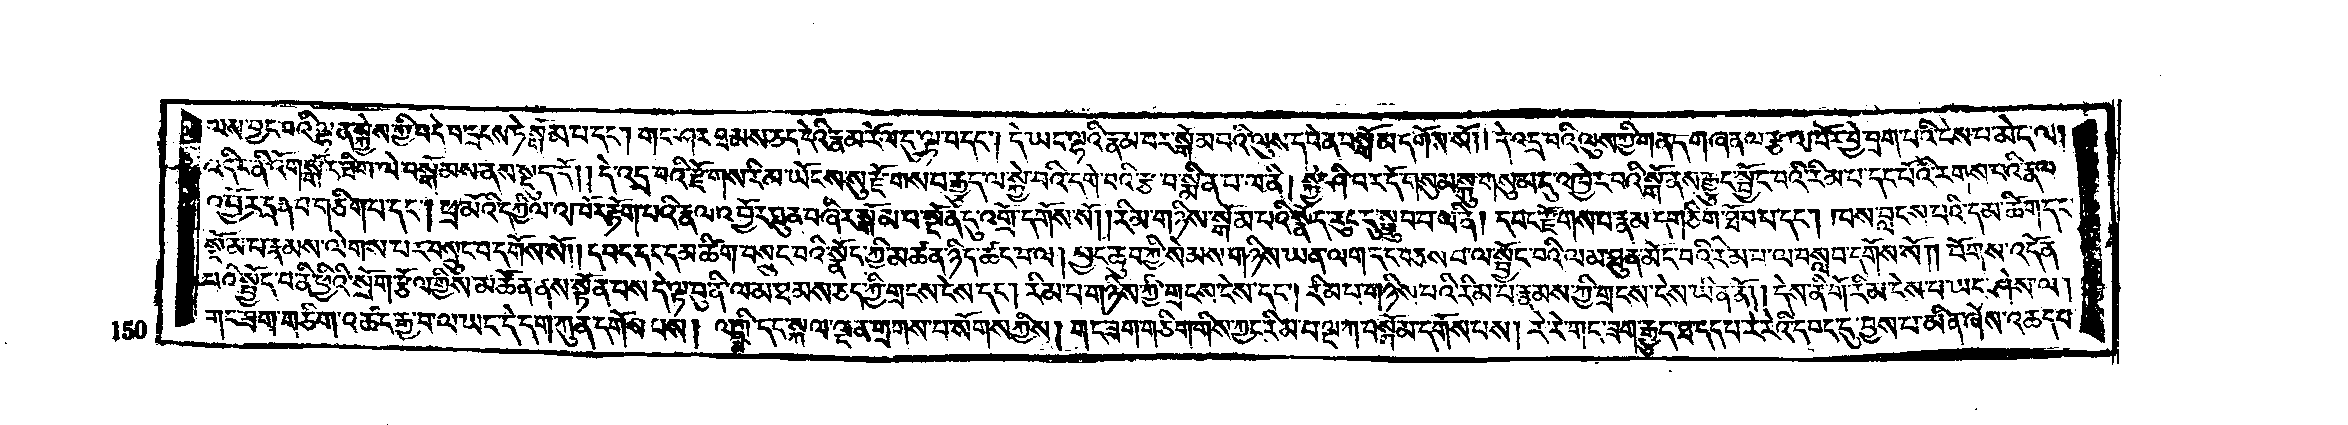ལས་བྱུང་བའི་ལྷན་སྐྱེས་ཀྱི་བདེ་བ་དྲངས་ཏེ་སྒོམ་པ་དང་། གང་ཤར་ཐམས་ཅད་དེའི་རྣམ་རོལ་དུ་ལྟ་བ་དང་། དེ་ཡང་ལྷའི་རྣམ་པར་སྒོམ་པའི་ལུས་དབེན་བསྒོམ་དགོས་སོ། །དེ་འདྲ་བའི་ལུས་ཀྱི་གནད་གཞན་ལ་རྩ་འཁོར་བྱེ་བྲག་པའི་ངེས་པ་མེད་ལ།
འདིར་ནི་འོག་སྒོར་ཐིག་ལེ་བསྒོམས་ནས་སྡུད་དོ། །དེ་འདྲ་བའི་རྫོགས་རིམ་ཡོངས་སུ་རྫོགས་པ་རྒྱུད་ལ་སྐྱེ་བའི་དགེ་བའི་རྩ་བ་སྨིན་པ་ལ་ནི། སྐྱེ་ཤི་བར་དོ་གསུམ་སྐུ་གསུམ་དུ་འཁྱེར་བའི་སྒོ་ནས་རྒྱུད་སྦྱོང་བའི་རིམ་པ་དང་པོའི་རགས་པའི་རྣལ་
འབྱོར་དྲན་པ་གཅིག་པ་དང་། ཕྲ་མོའི་དཀྱིལ་འཁོར་རྟོག་པའི་རྣལ་འབྱོར་ཐུན་བཞིར་སྒོམ་པ་སྔོན་དུ་འགྲོ་དགོས་སོ། །རིམ་གཉིས་སྒོམ་པའི་སྣོད་རུང་དུ་སྒྲུབ་པ་ལ་ནི། དབང་རྫོགས་པ་རྣམ་དག་ཅིག་ཐོབ་པ་དང་། ཁས་བླངས་པའི་དམ་ཚིག་དང་
སྡོམ་པ་རྣམས་ལེགས་པར་བསྲུང་བ་དགོས་སོ། །དབང་དང་དམ་ཚིག་བསྲུང་བའི་སྣོད་ཀྱི་མཚན་ཉིད་ཚང་བ་ལ། བྱང་ཆུབ་ཀྱི་སེམས་གཉིས་ཡན་ལག་དང་བཅས་པ་ལ་སྦྱོང་བའི་ལམ་ཐུན་མོང་བའི་རིམ་པ་ལ་བསླབ་དགོས་སོ། །བོགས་འདོན་
པའི་སྤྱོད་པ་ནི་ཕྱིའི་སྲོག་རྩོལ་གྱིས་མཚོན་ནས་སྟོན་པས་དེ་ལྟ་བུ་ནི་ལམ་ཐམས་ཅད་ཀྱི་གྲངས་ངེས་དང་། རིམ་པ་གཉིས་ཀྱི་གྲངས་ངེས་དང་། རིམ་པ་གཉིས་པའི་རིམ་པ་རྣམས་ཀྱི་གྲངས་ངེས་ཡིན་ནོ། །དེས་ནི་གོ་རིམ་ངེས་པ་ཡང་ཤེས་ལ།
གང་ཟག་གཅིག་འཚང་རྒྱ་བ་ལ་ཡང་དེ་དག་ཀུན་དགོས་པས། ལཀྵྨི་དང་སྐལ་ལྡན་གྲགས་པ་སོགས་ཀྱིས། གང་ཟག་གཅིག་གིས་ཀྱང་རིམ་པ་ལྔ་ཀ་བསྒོམ་དགོས་པས། རེ་རེ་གང་ཟག་རྒྱུད་ཐ་དད་པ་རེ་རེའི་དབང་དུ་བྱས་པ་མིན་ཞེས་འཆད་པ་